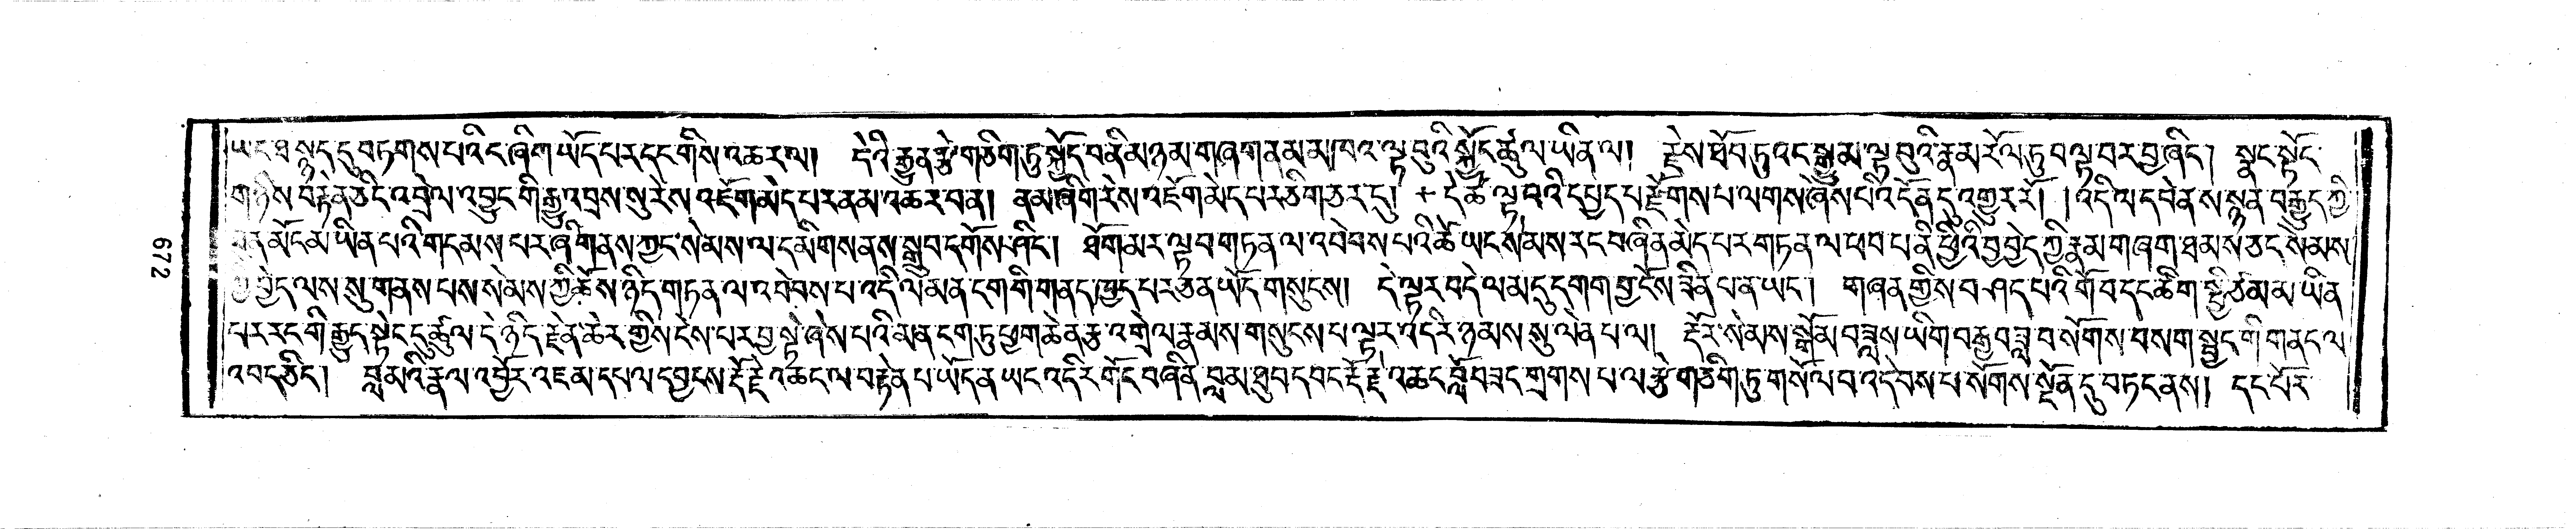ཡང་ཐ་སྙད་དུ་བཏགས་པའི་ང་ཞིག་ཡོད་པར་དང་གིས་འཆར་ལ། དེའི་རྒྱུན་རྩེ་གཅིག་ཏུ་སྐྱོད་བ་ནི་མཉམ་གཞག་ནམ་མཁའ་ལྟ་བུའི་སྐྱོང་ཚུལ་ཡིན་ལ། རྗེས་ཐོབ་ཏུའང་སྒྱུ་མ་ལྟ་བུའི་རྣམ་རོལ་ཏུ་བལྟ་བར་བྱ་ཞིང་། སྣང་སྟོང་
གཉིས་བརྟེན་ཅིང་འབྲེལ་འབྱུང་གི་རྒྱུ་འབྲས་སུ་རེས་འཇོག་མེད་པར་ནམ་འཆར་བ་ན། ནམ་ཞིག་རེས་འཇོག་མེད་པར་ཅིག་ཅར་དུ། +་དེ་ཚེ་ལྟ་བའི་དཔྱད་པ་རྫོགས་པ་ལགས་ཞེས་པའི་དོན་དུ་འགྱུར་རོ། །འདི་ལ་དབེན་ས་སྙན་བརྒྱུད་ཀྱི་
ཐུན་མོང་མ་ཡིན་པའི་གདམས་པར་ཞི་གནས་ཀྱང་སེམས་ལ་དམིགས་ནས་སྒྲུབ་དགོས་ཤིང་། ཐོག་མར་ལྟ་བ་གཏན་ལ་འབེབས་པའི་ཚེ་ཡང་སེམས་རང་བཞིན་མེད་པར་གཏན་ལ་ཕབ་པ་ནི་ཕྱིའི་བྱ་བྱེད་ཀྱི་རྣམ་གཞག་ཐམས་ཅད་སེམས་
ཀྱི་བྱེད་ལས་སུ་གནས་པས་སེམས་ཀྱི་ཆོས་ཉིད་གཏན་ལ་འབེབས་པ་འདི་ལ་མན་ངག་གི་གནད་ཁྱད་པར་ཅན་ཡོད་གསུངས། དེ་ལྟར་བདེ་ལམ་དུ་དགག་བྱ་ངོས་ཟིན་པ་ན་ཡང་། གཞན་གྱིས་བཤད་པའི་གོ་བ་དང་ཚིག་སྦྱི་ཙམ་མ་ཡིན་
པར་རང་གི་རྒྱུད་སྟེང་དུ་ཚུལ་དེ་ཉིད་རྗེན་ཆེར་གྱིས་ངེས་པར་བྱ་སྟེ་ཞེས་པའི་མན་ངག་ཏུ་ཕྱག་ཆེན་རྩ་འགྲེལ་རྣམས་གསུངས་པ་ལྟར་འདིར་ཉམས་སུ་ལེན་པ་ལ། རྡོར་སེམས་སྒོམ་བཟླས་ཡིག་བརྒྱ་བཟླ་བ་སོགས་བསག་སྦྱང་གི་གནང་ལ་
འབད་ཅིང་། བླ་མའི་རྣལ་འབྱོར་འཇམ་དཔལ་དབྱངས་རྡོ་རྗེ་འཆང་ལ་བརྟེན་པ་ཡོད་ན་ཡང་འདིར་གོང་བཞིན་བླ་མ་ཐུབ་དབང་རྡོ་རྗེ་འཆང་བློ་བཟང་གྲགས་པ་ལ་རྩེ་གཅིག་ཏུ་གསོལ་བ་འདེབས་པ་སོགས་སྔོན་དུ་བཏང་ནས། དང་པོར་